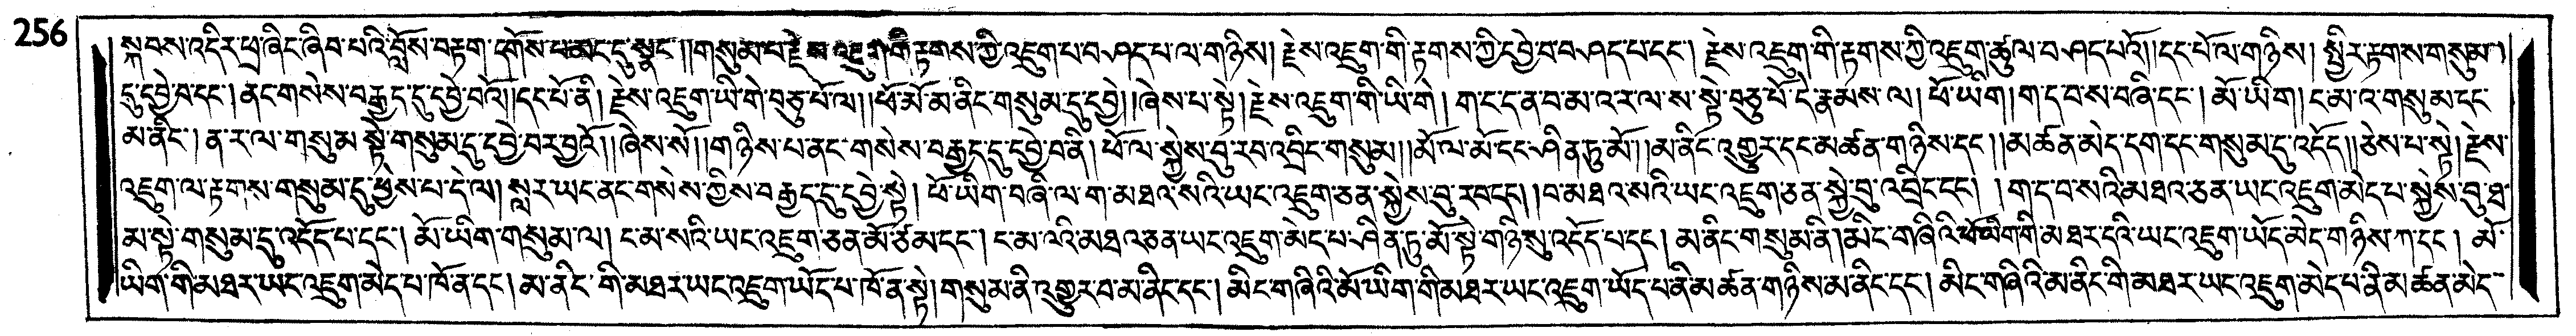སྐབས་འདིར་ཕྲ་ཞིང་ཞིབ་པའི་བློས་བརྟག་དགོས་པ་མང་དུ་སྣང་། །གསུམ་པ་རྗེས་འཇུག་གི་རྟགས་ཀྱི་འཇུག་པ་བཤད་པ་ལ་གཉིས། རྗེས་འཇུག་གི་རྟགས་ཀྱི་དབྱེ་བ་བཤད་པ་དང་། རྗེས་འཇུག་གི་རྟགས་ཀྱི་འཇུག་ཚུལ་བཤད་པའོ། །དང་པོ་ལ་གཉིས། སྤྱིར་རྟགས་གསུམ་
དུ་དབྱེ་བ་དང་། ནང་གསེས་བརྒྱད་དུ་དབྱེ་བའོ། །དང་པོ་ནི། རྗེས་འཇུག་ཡི་གེ་བཅུ་པོ་ལ། །ཕོ་མོ་མ་ནིང་གསུམ་དུ་དབྱེ། །ཞེས་པ་སྟེ། རྗེས་འཇུག་གི་ཡི་གེ། ག་ང་ད་ན་བ་མ་འ་ར་ལ་ས་སྟེ་བཅུ་པོ་དེ་རྣམས་ལ། ཕོ་ཡིག། ག་ད་བ་ས་བཞི་དང་། མོ་ཡིག། ང་མ་འ་གསུམ་དང་
མ་ནིང་། ན་ར་ལ་གསུམ་སྟེ་གསུམ་དུ་དབྱེ་བར་བྱའོ། །ཞེས་སོ། །གཉིས་པ་ནང་གསེས་བརྒྱད་དུ་དབྱེ་བ་ནི། ཕོ་ལ་སྐྱེས་བུ་རབ་འབྲིང་གསུམ། །མོ་ལ་མོ་དང་ཤིན་ཏུ་མོ། །མ་ནིང་འགྱུར་དང་མཚན་གཉིས་དང་། །མཚན་མེད་དག་དང་གསུམ་དུ་འདོད། །ཅེས་པ་སྟེ། རྗེས་
འཇུག་ལ་རྟགས་གསུམ་དུ་ཕྱེས་པ་དེ་ལ། སླར་ཡང་ནང་གསེས་ཀྱིས་བརྒྱད་དུ་དབྱེ་སྟེ། ཕོ་ཡིག་བཞི་ལ་ག་མཐའ་སའི་ཡང་འཇུག་ཅན་སྐྱེས་བུ་རབ་དང་། །བ་མཐའ་སའི་ཡང་འཇུག་ཅན་སྐྱེ་བུ་འབྲིང་དང་། །ག་ད་བ་སའི་མཐའ་ཅན་ཡང་འཇུག་མེད་པ་སྐྱེས་བུ་ཐ་
མ་སྟེ་གསུམ་དུ་འདོད་པ་དང་། མོ་ཡིག་གསུམ་ལ། ང་མ་སའི་ཡང་འཇུག་ཅན་མོ་ཙམ་དང་། ང་མ་འའི་མཐའ་ཅན་ཡང་འཇུག་མེད་པ་ཤིན་ཏུ་མོ་སྟེ་གཉིསུ་འདོད་པ་དང་། མ་ནིང་གསུམ་ནི། མིང་གཞིའི་ཕོ་ཡིག་གི་མཐར་དའི་ཡང་འཇུག་ཡོད་མེད་གཉིས་ཀ་དང་། མོ་
ཡིག་གི་མཐར་ཡང་འཇུག་མེད་པ་ཁོ་ན་དང་། མ་ནིང་གི་མཐར་ཡང་འཇུག་ཡོད་པ་ཁོ་ན་སྟེ། གསུམ་ནི་འགྱུར་བ་མ་ནིང་དང་། མིང་གཞིའི་མོ་ཡིག་གི་མཐར་ཡང་འཇུག་ཡོད་པ་ནི་མཚན་གཉིས་མ་ནིང་དང་། མིང་གཞིའི་མ་ནིང་གི་མཐར་ཡང་འཇུག་མེད་པ་ནི་མཚན་མེད་